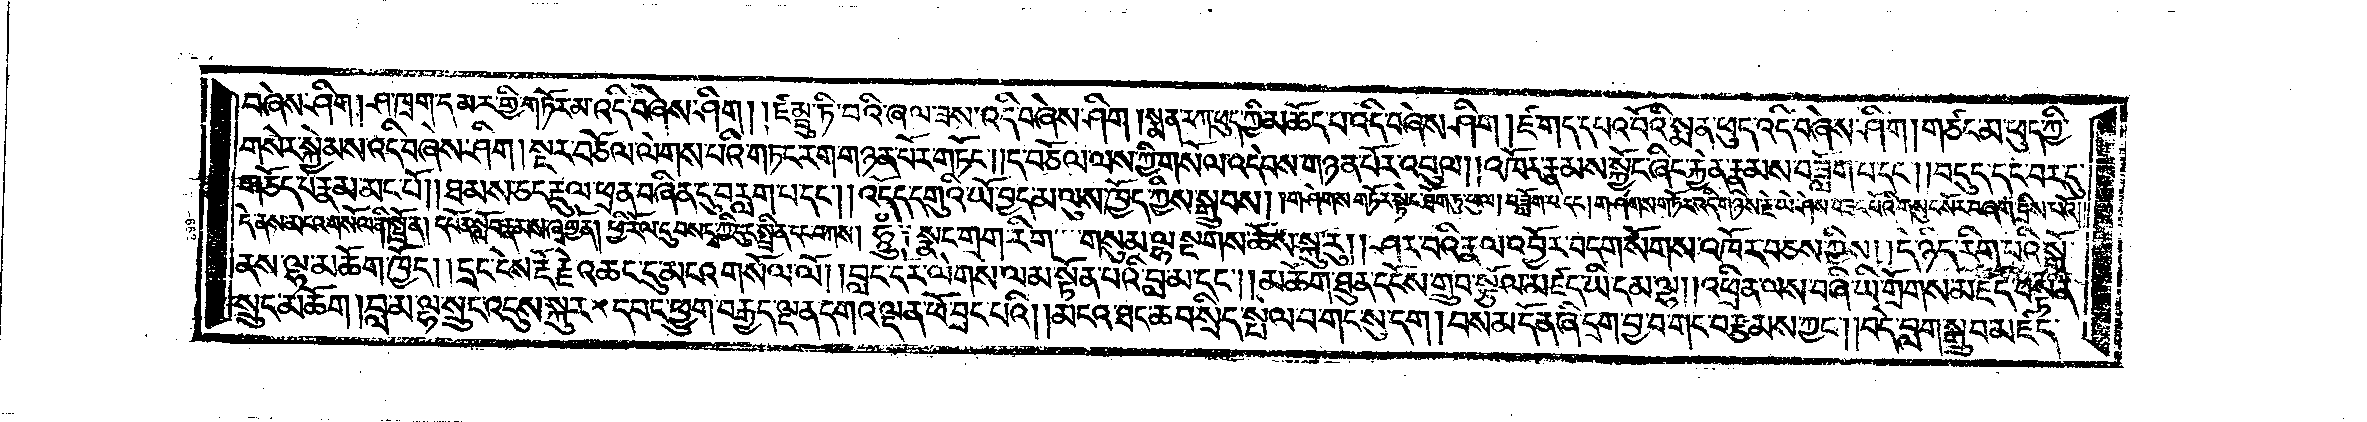བཞེས་ཤིག། ཤ་ཁྲག་དམར་གྱི་གཏོར་མ་འདི་བཞེས་ཤིག། །ཛམ་བུ་ཏི་བའི་ཞལ་ཟས་འདི་བཞེས་ཤིག། སྨན་རག་ཕུད་ཀྱི་མཆོད་པ་འདི་བཞེས་ཤིག །ཛ་གད་དཔའ་བོའི་སྨན་ཕུད་འདི་བཞེས་ཤིག །གཙང་མ་ཕུད་ཀྱི་
གསེར་སྐྱེམས་འདི་བཞེས་ཤིག །སྔར་བཅོལ་ལེགས་པའི་གཏང་རག་གཉན་པོར་གཏོང་། །ད་བཅོལ་ལས་ཀྱི་གསོལ་འདེབས་གཉན་པོར་འབུལ། །འཁོར་རྣམས་སྐྱོང་ཞིང་རྐྱེན་རྣམས་བཟློག་པ་དང་། །བདུད་དང་བར་དུ་
གཅོད་པ་རྣམ་མང་པོ། །ཐམས་ཅད་རྡུལ་ཕྲན་བཞིན་དུ་བརླག་པ་དང་། །འདོད་དགུའི་ཡོ་བྱད་མ་ལུས་ཁྱོད་ཀྱིས་སྒྲུབས། །གཤེགས་གཏོར་སྟེང་ཐོག་ཏུ་ཕུལ། བཟློག་པ་དང་། གཤེགས་གཏོར་འདི་གཉིས་རྗེ་ཡེ་ཤེས་བཟང་པོའི་གསུང་སོར་བཞག་བྲིས་པའོ།།
དེ་ནས་མངའ་གསོལ་ནི། སྤྲོན། དཔོན་སློབ་རྣམས་ཞྭ་གྱོན། ཕྱི་རོལ་དུ་བསད་ཀྱི་དུད་སྤྲིན་དང་བཅས། ཧཱུཾ༑ སྣང་གྲག་རིགས་གསུམ་ལྷ་སྔགས་ཆོས་སྐུ་རུ། །ཤར་བའི་རྣལ་འབྱོར་བདག་སོགས་འཁོར་བཅས་ཀྱིས། །དེ་ཉིད་རིག་པའི་སྒོ་
ནས་ལྷ་མཆོག་ཁྱོད། །དྲང་ངེས་རྡོ་རྗེ་འཆང་དུ་མངའ་གསོལ་ལོ། །བླང་དོར་ལེགས་ལམ་སྟོན་པའི་བླ་མ་དང་། །མཆོག་ཐུན་དངོས་གྲུབ་སྩོལ་མཛད་ཡི་དམ་ལྷ། །འཕྲིན་ལས་བཞི་ཡི་གྲོགས་མཛད་བསྟན་
སྲུང་མཆོག །བླ་མ་ལྷ་སྲུང་འདུས་སྐུར་྾་དབང་ཕྱུག་བརྒྱད་ལྡན་དགའ་ལྡན་ཕོ་བྲང་པའི། །མངའ་ཐང་ཆབ་སྲིད་སྤེལ་བ་གང་སུ་དག། བསམ་དོན་ཞི་དྲག་བྱ་བ་གང་བརྩམས་ཀྱང་། །བདེ་བླག་སྒྲུབ་མཛད་